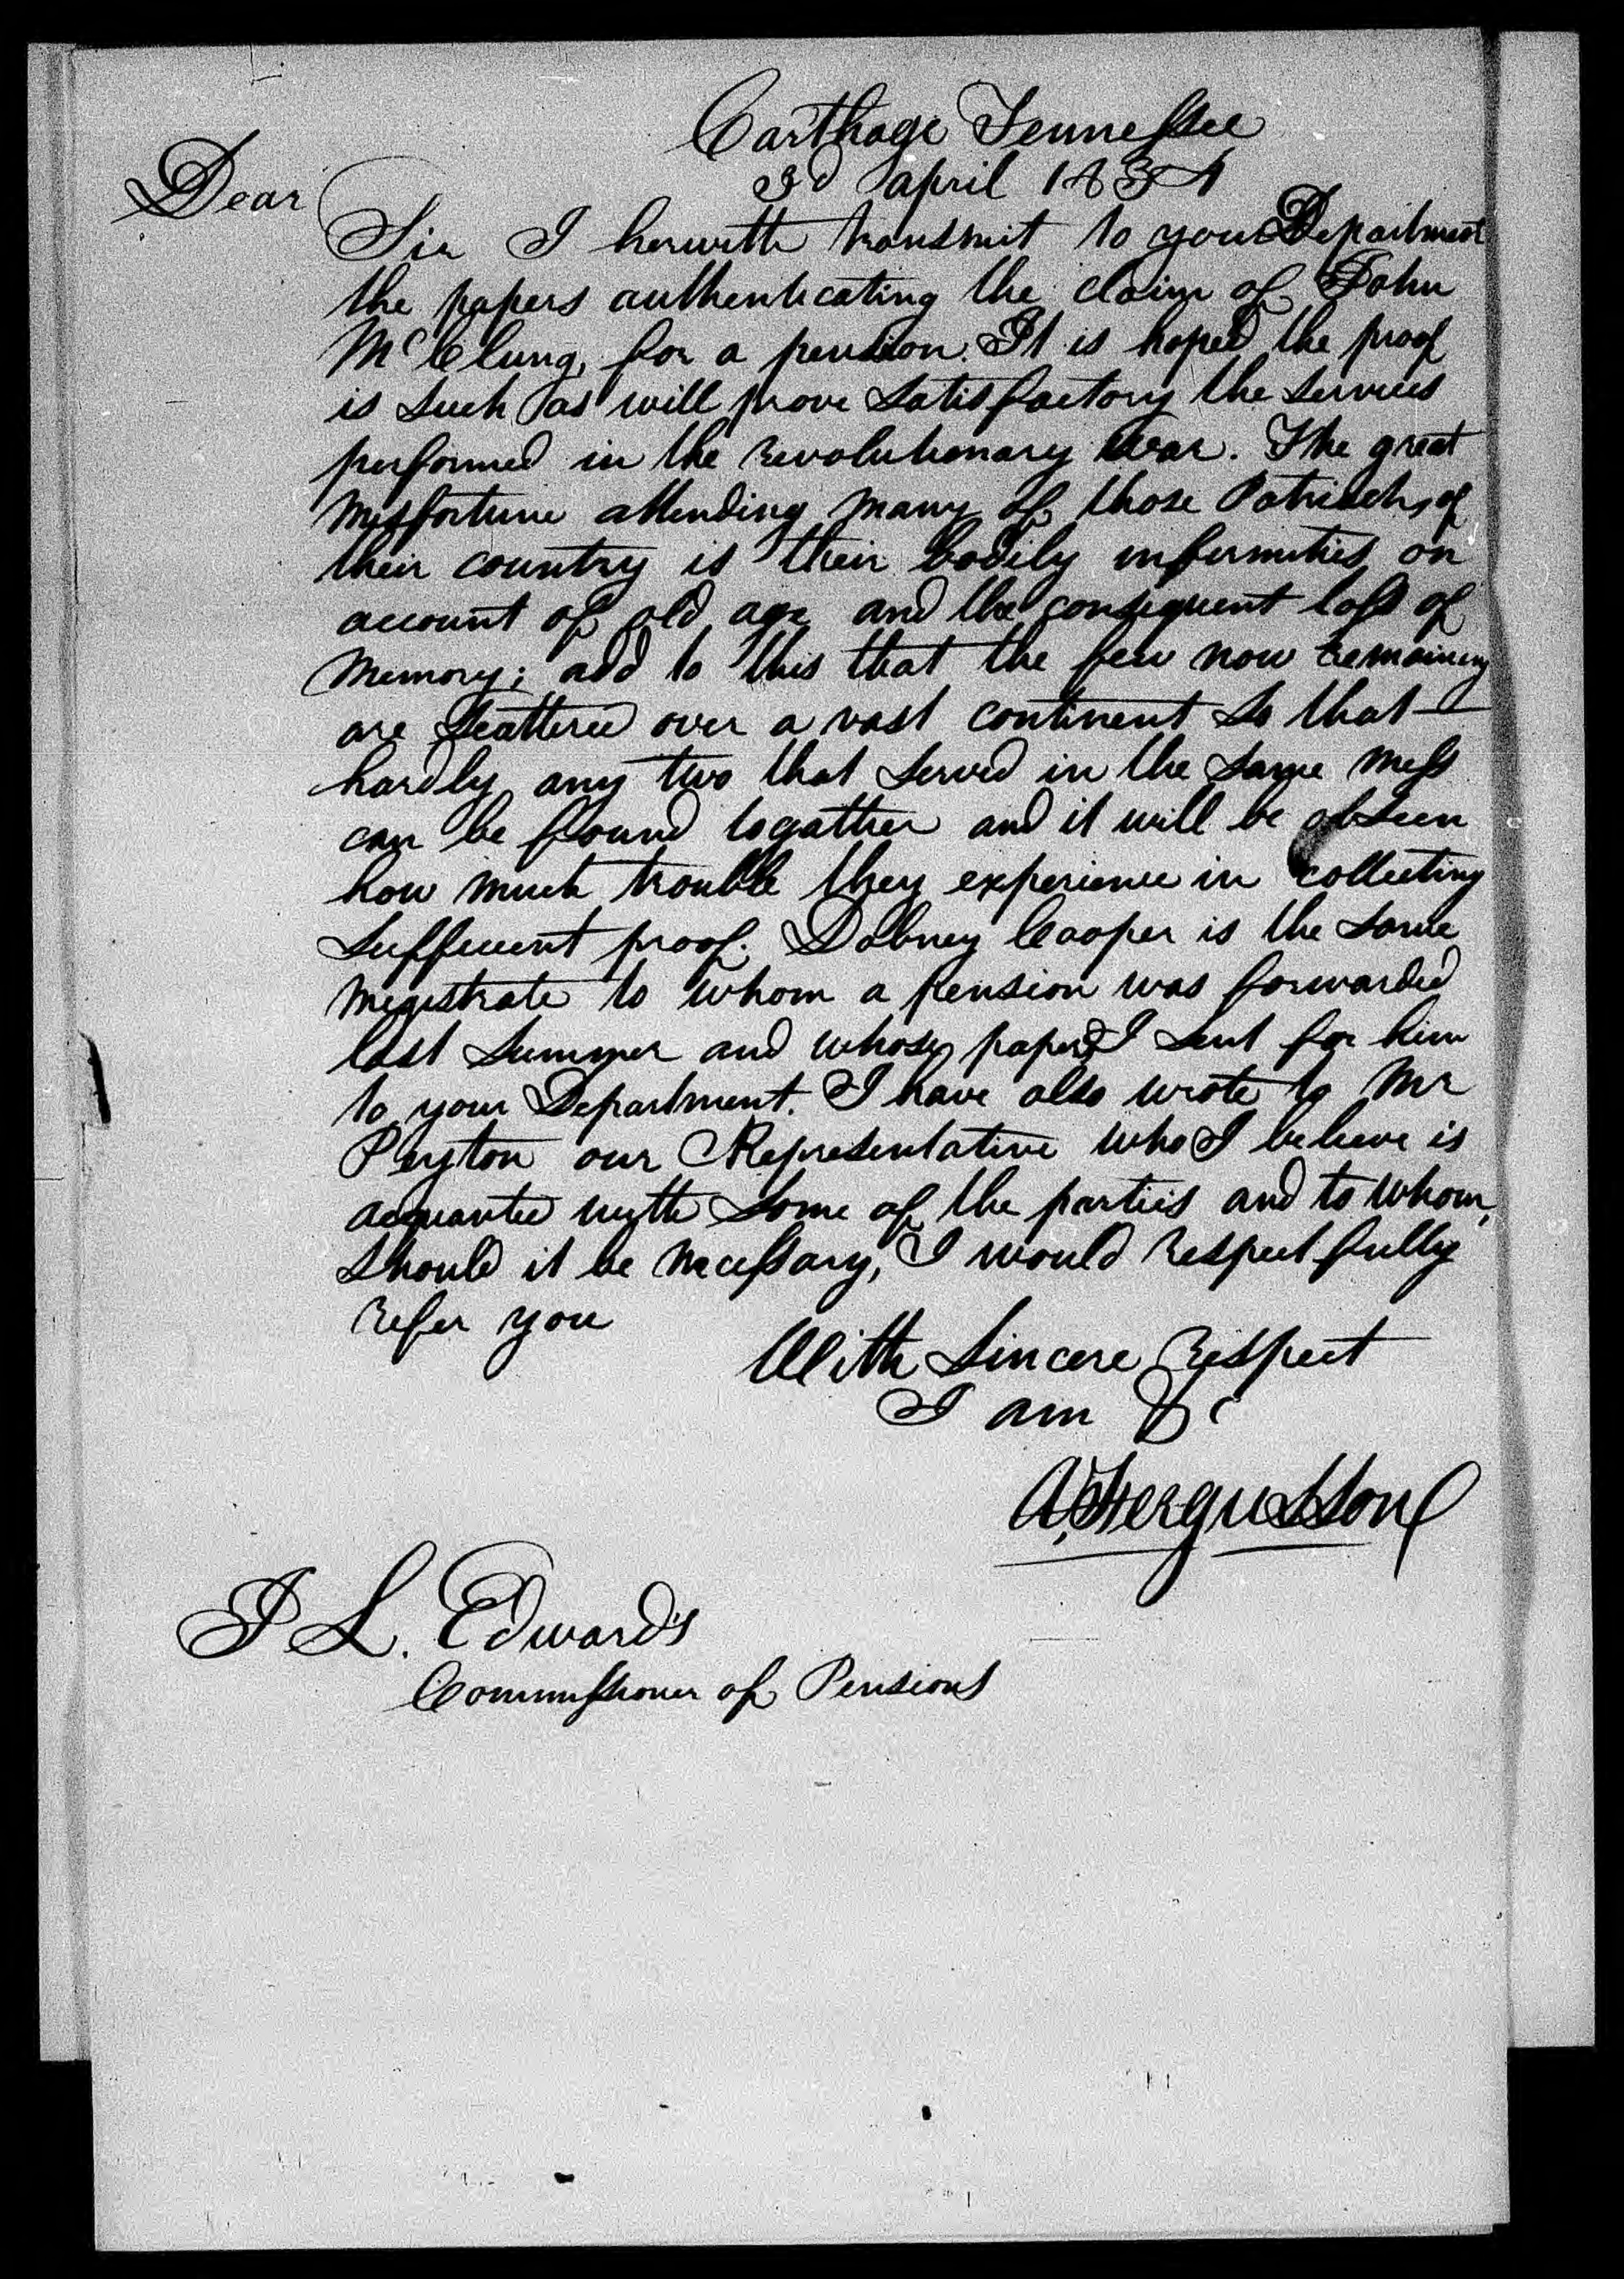Carthage Tennessee
3d April 1834
Dear Sir 
I herewith Transmit to your Department the papers authenticating the claim of John McClung, for a pension. It is hoped the proof is such as will prove satisfactory the services performed in the Revolutionary War. The great misfortune attending many of those Patriarchs of their country is their bodily infirmities on account of old age and the consequent loss of memory, add to this that the few now remaining are scattered over a vast continent so that hardly any two that served in the same mess can be found together and it will be as seen how much trouble they experience in collecting
Sufficient proof. Dabney Cooper is the same Magistrate to whom a pension was forwarded last Summer and whose papers I sent for him to your Department. I have also wrote to Mr. Payton our Representative who I believe is acquainted with some of the parties and to whom, should it be necessary, I would respectfully refer you

With sincere respect
I am
A. Ferguson

J. L. Edwards
Commissioner of Pensions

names: J L Edwards; A Fergusson; Dabney Cooper; [BLANK] Peyton; John Mc Clung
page: 108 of 115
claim: widow's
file: W. 1446, for John Mc Clung, South Carolina